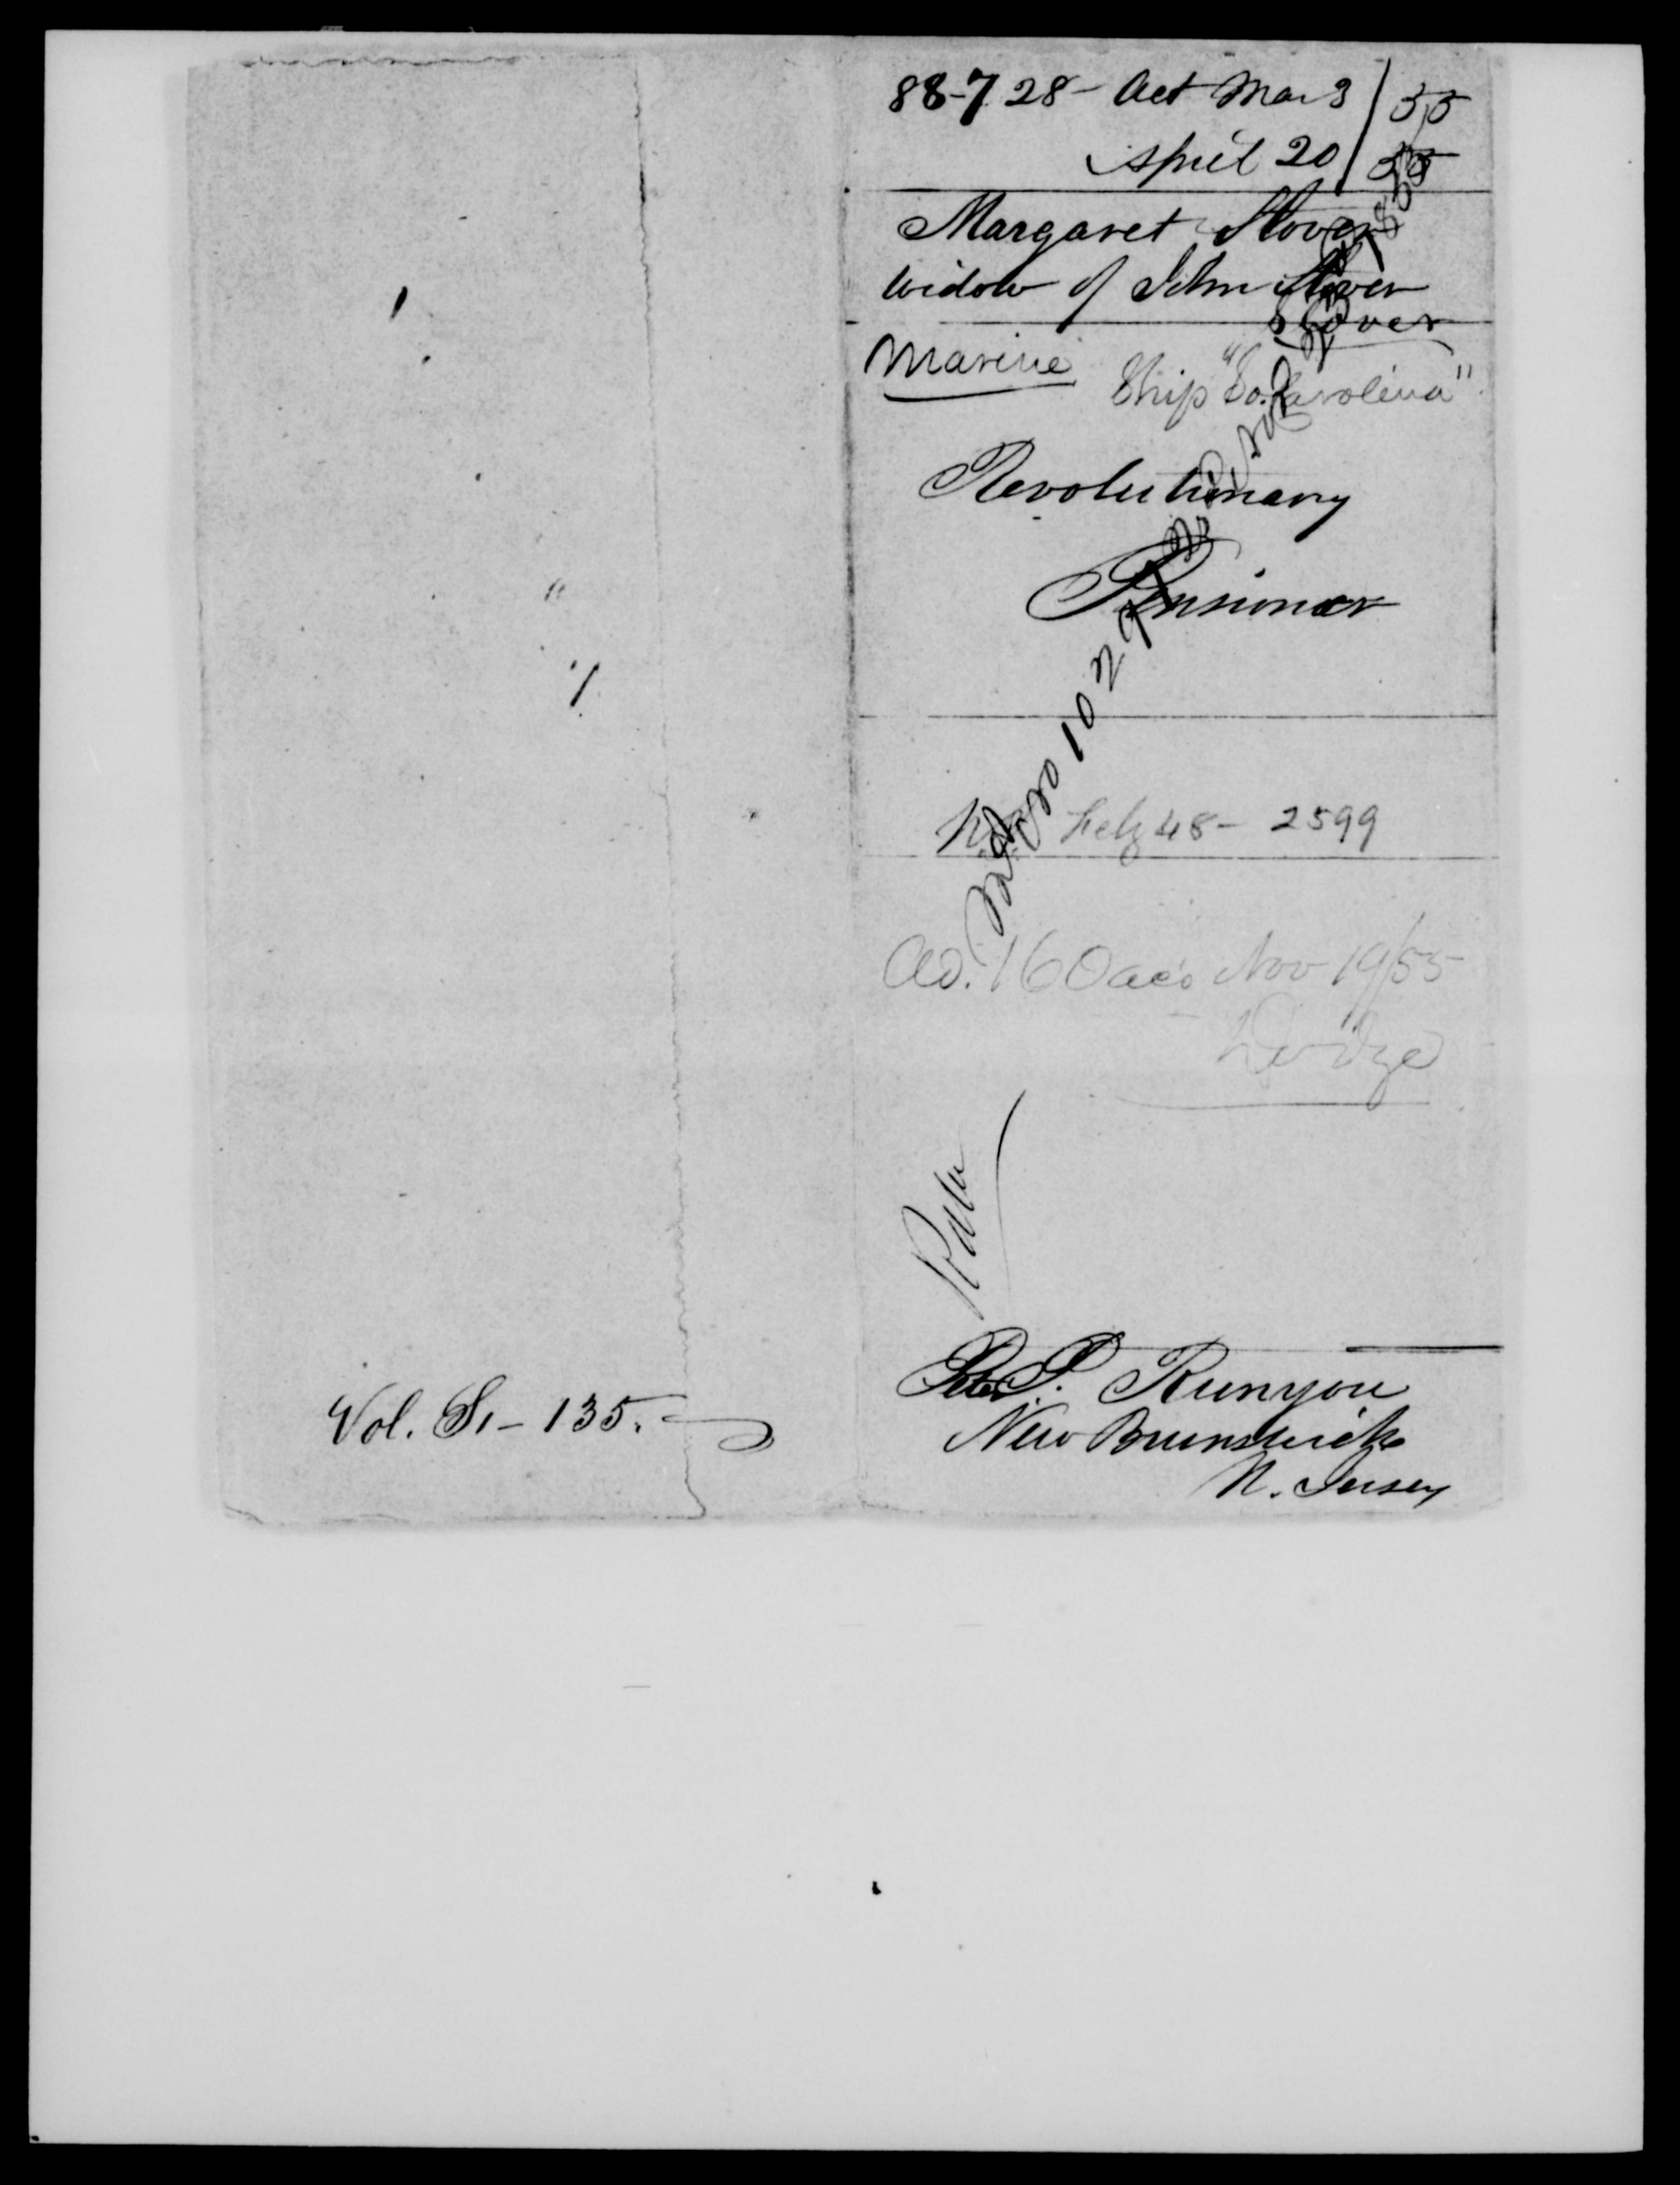88-7-28 - Act Mar. 3/'55.
April 20/'55.

Margaret Slover, widow of John Slover.

Marine, ship, "So. Carolina."
Revolutionary Pensioner.

N.J., July '48 - 2599.

Ad(mitted) 160 acres Nov. 19/'55.
H. Dodge

Paid. 

P. Runyon
New Brunswick, N. Jersey

Vol. S; P(age) 135.

102972 Rec(eived) Nov. 23, 1855.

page: 15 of 46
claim: widow's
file: W. 6205, for John Slover, New Jersey